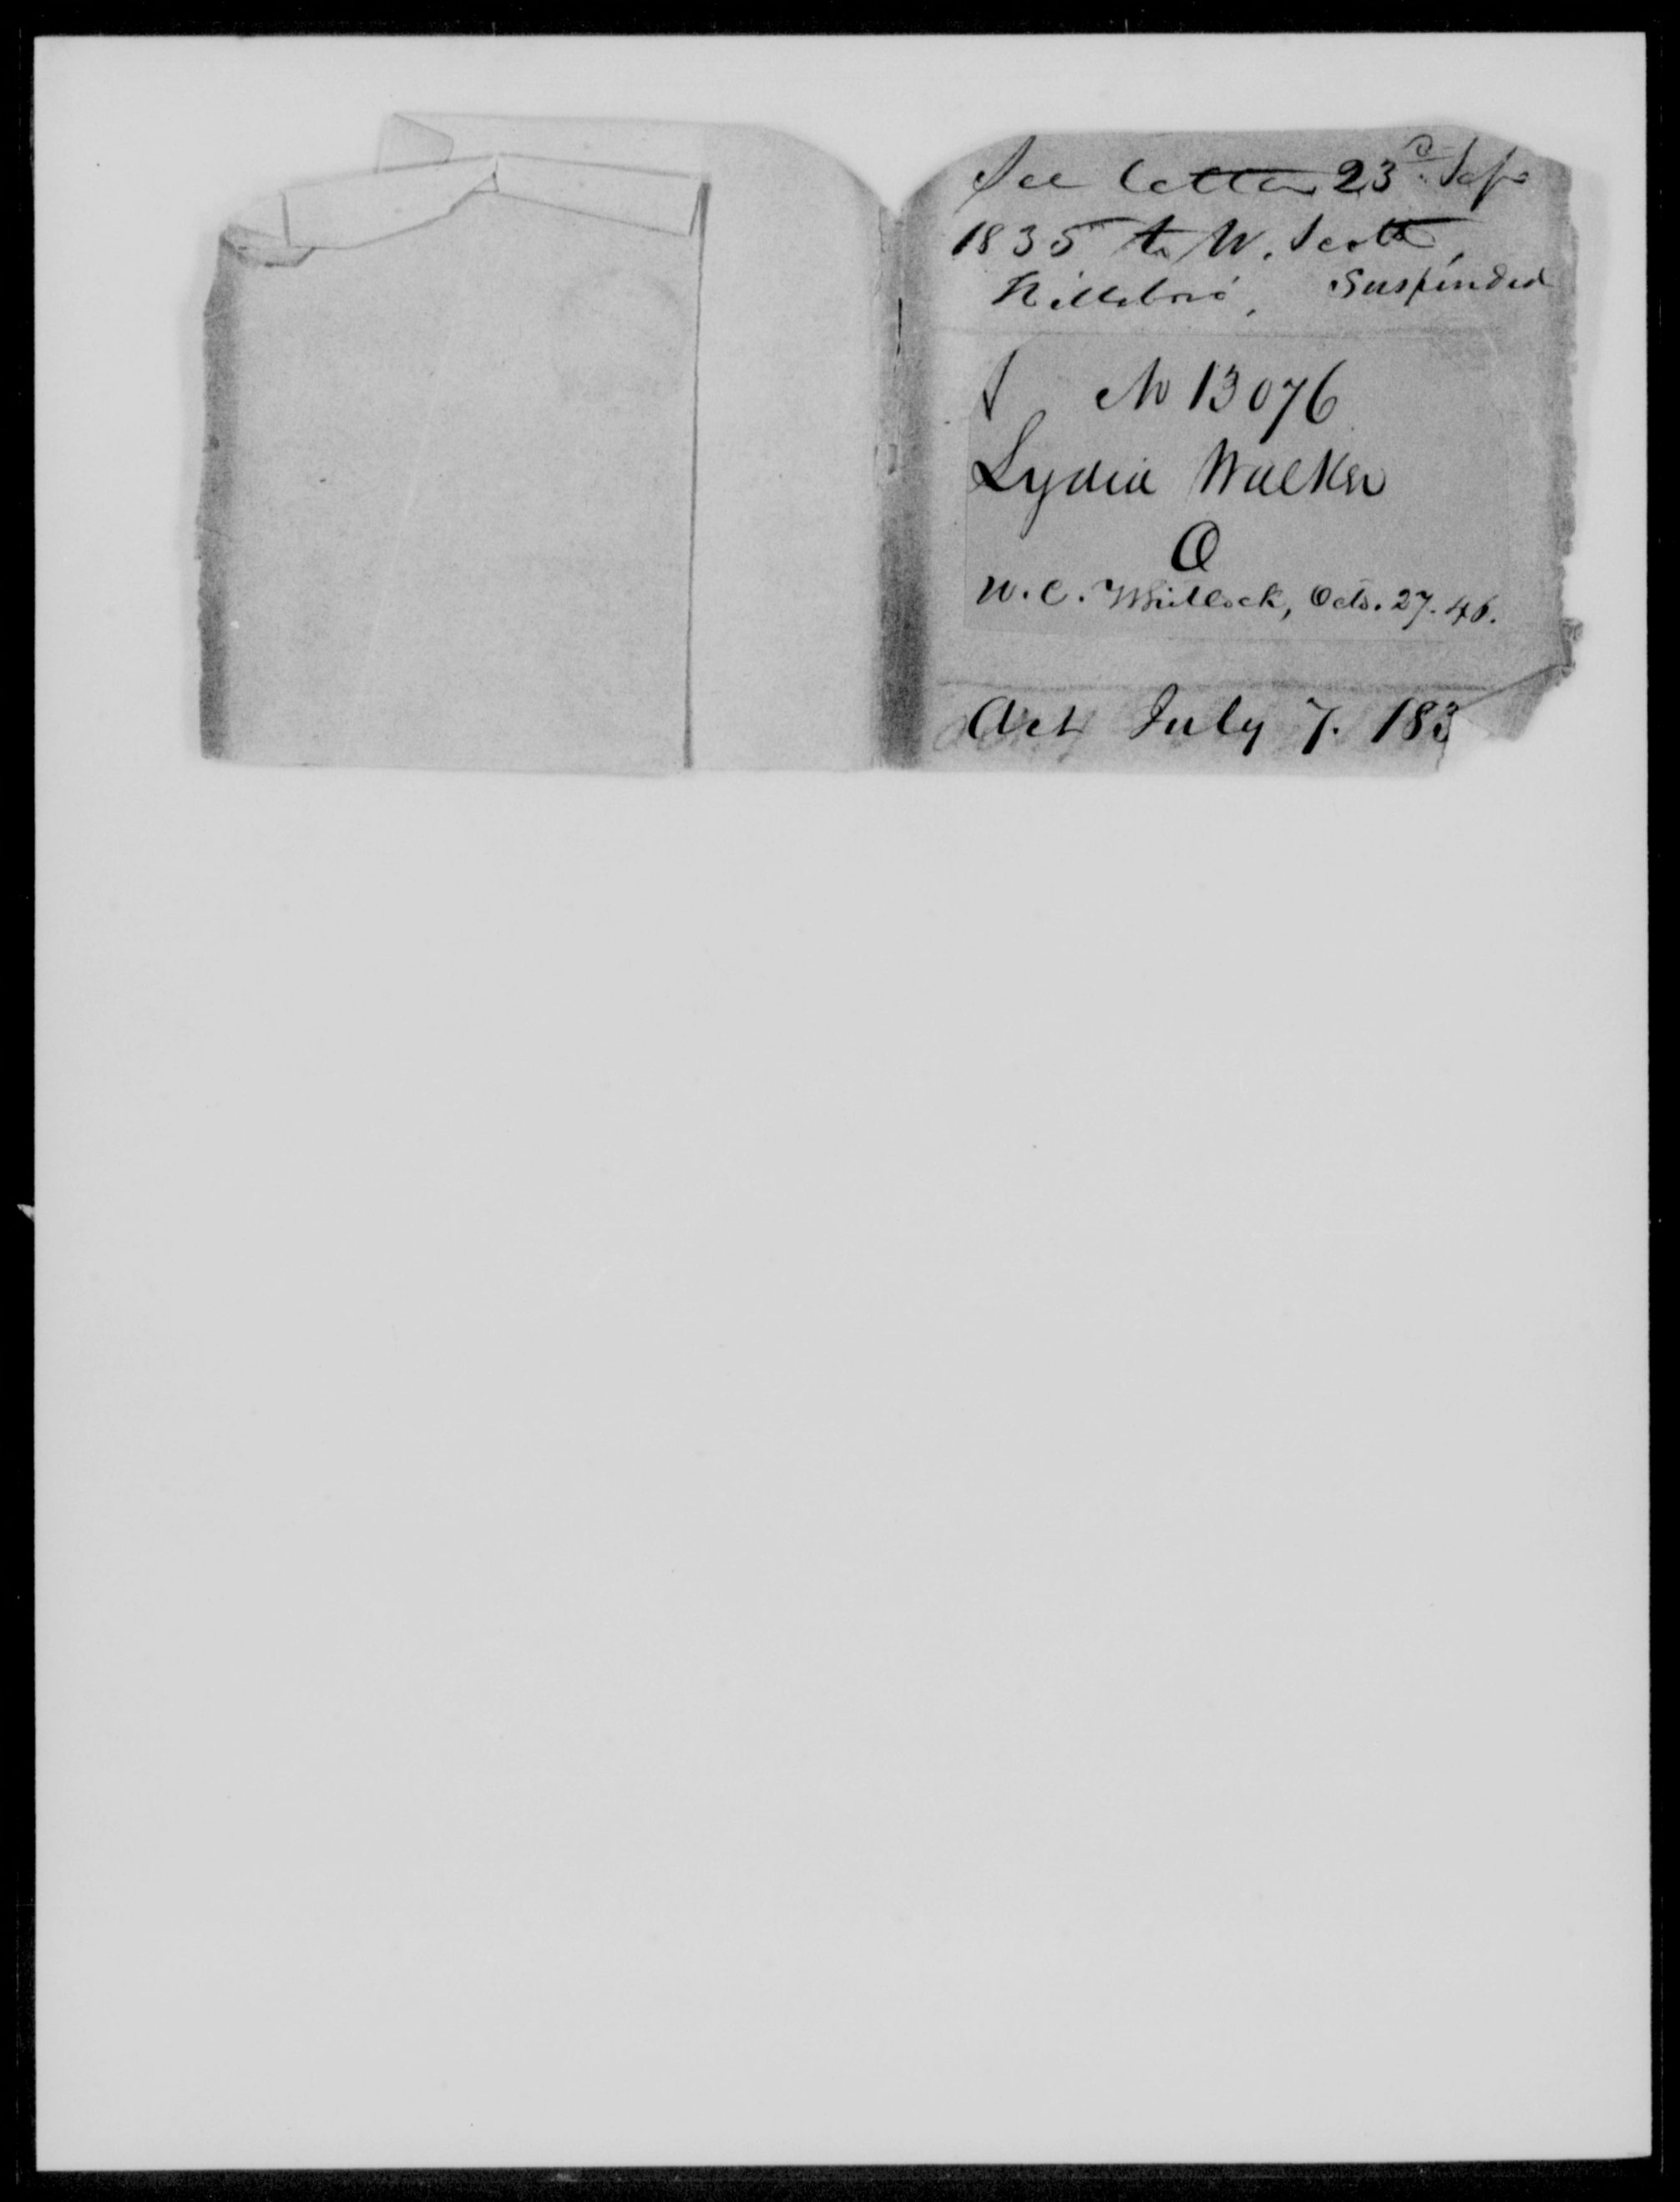See letter 23rd Sept. 1835 to W. Scott
Hillsboro, Suspended
No. 13076
Lydia Walker
W. C. Whitlock, Oct. 27, 1846
Act July 7 [Illegible]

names: W C Whitlock, W Scott, Lydia Walker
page: 22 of 37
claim: rejected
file: R. 11047, David Walker, N.C.